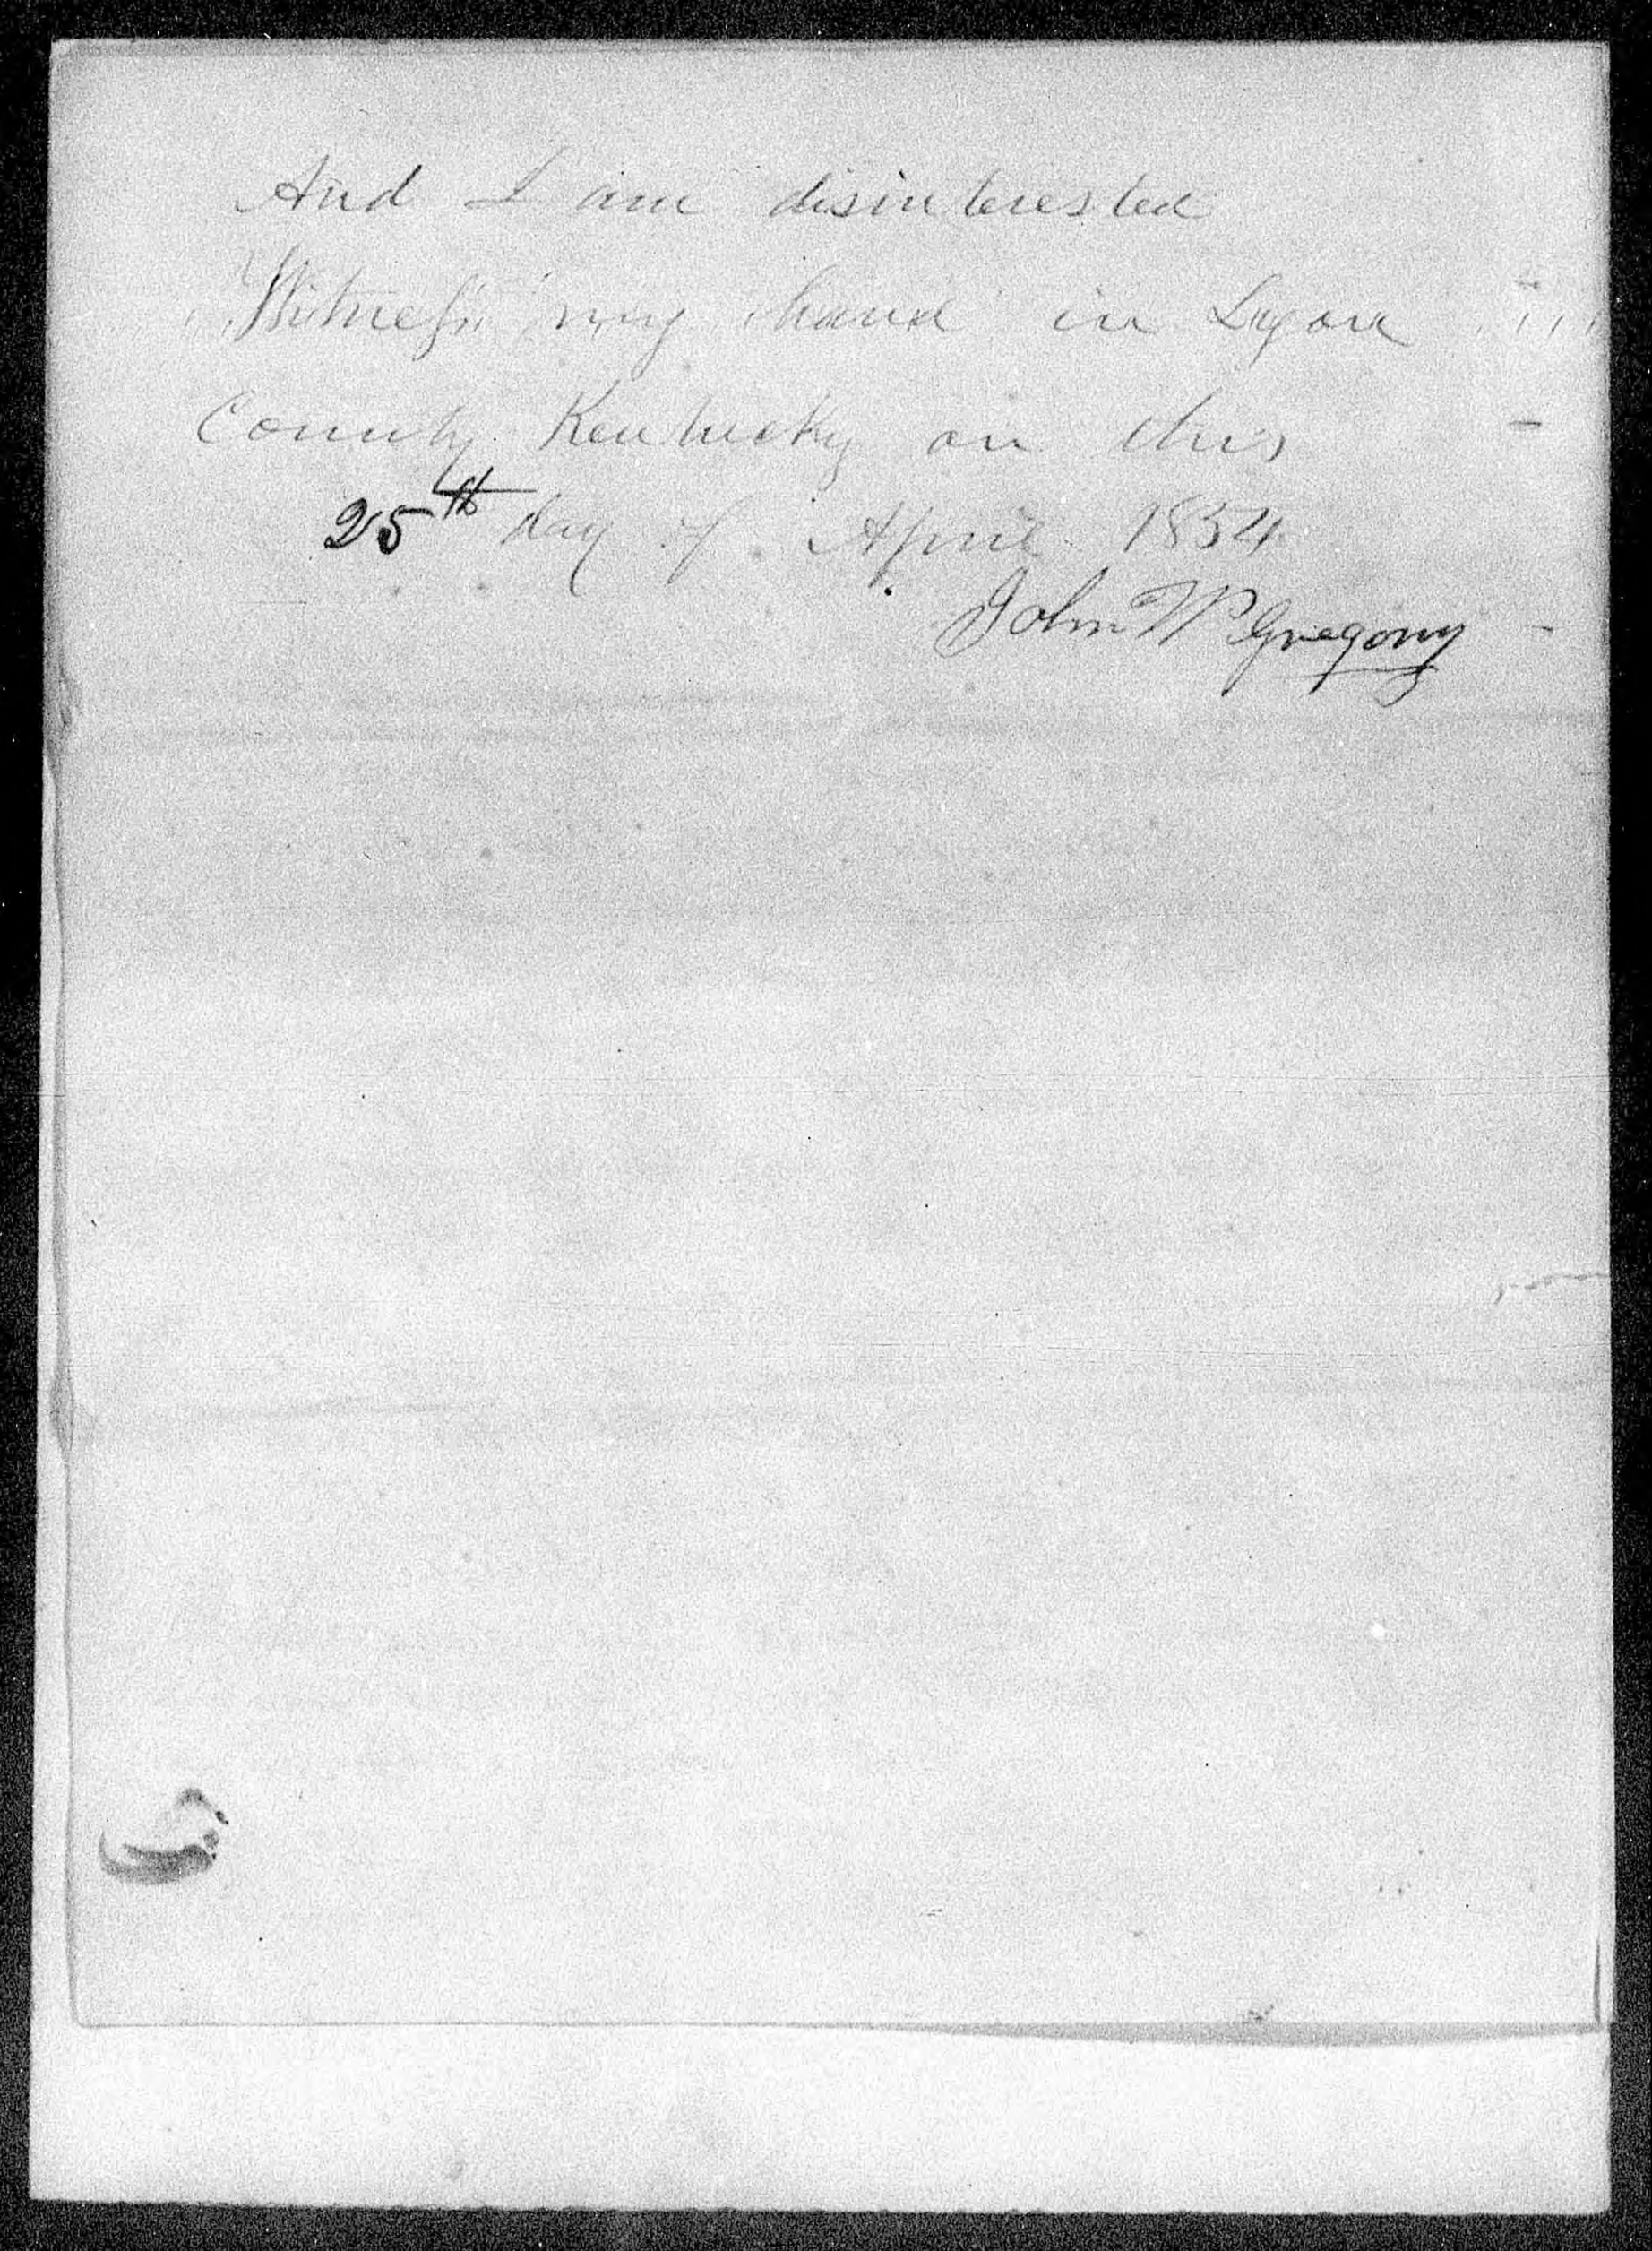And I am disinterested.
Witness my hand in Lyon County Kentucky on this 25th day of April 1854.
John W. Gregory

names: John W Gregory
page: 60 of 75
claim: widow's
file: W. 8876, Thomas Gregory, Continental Va